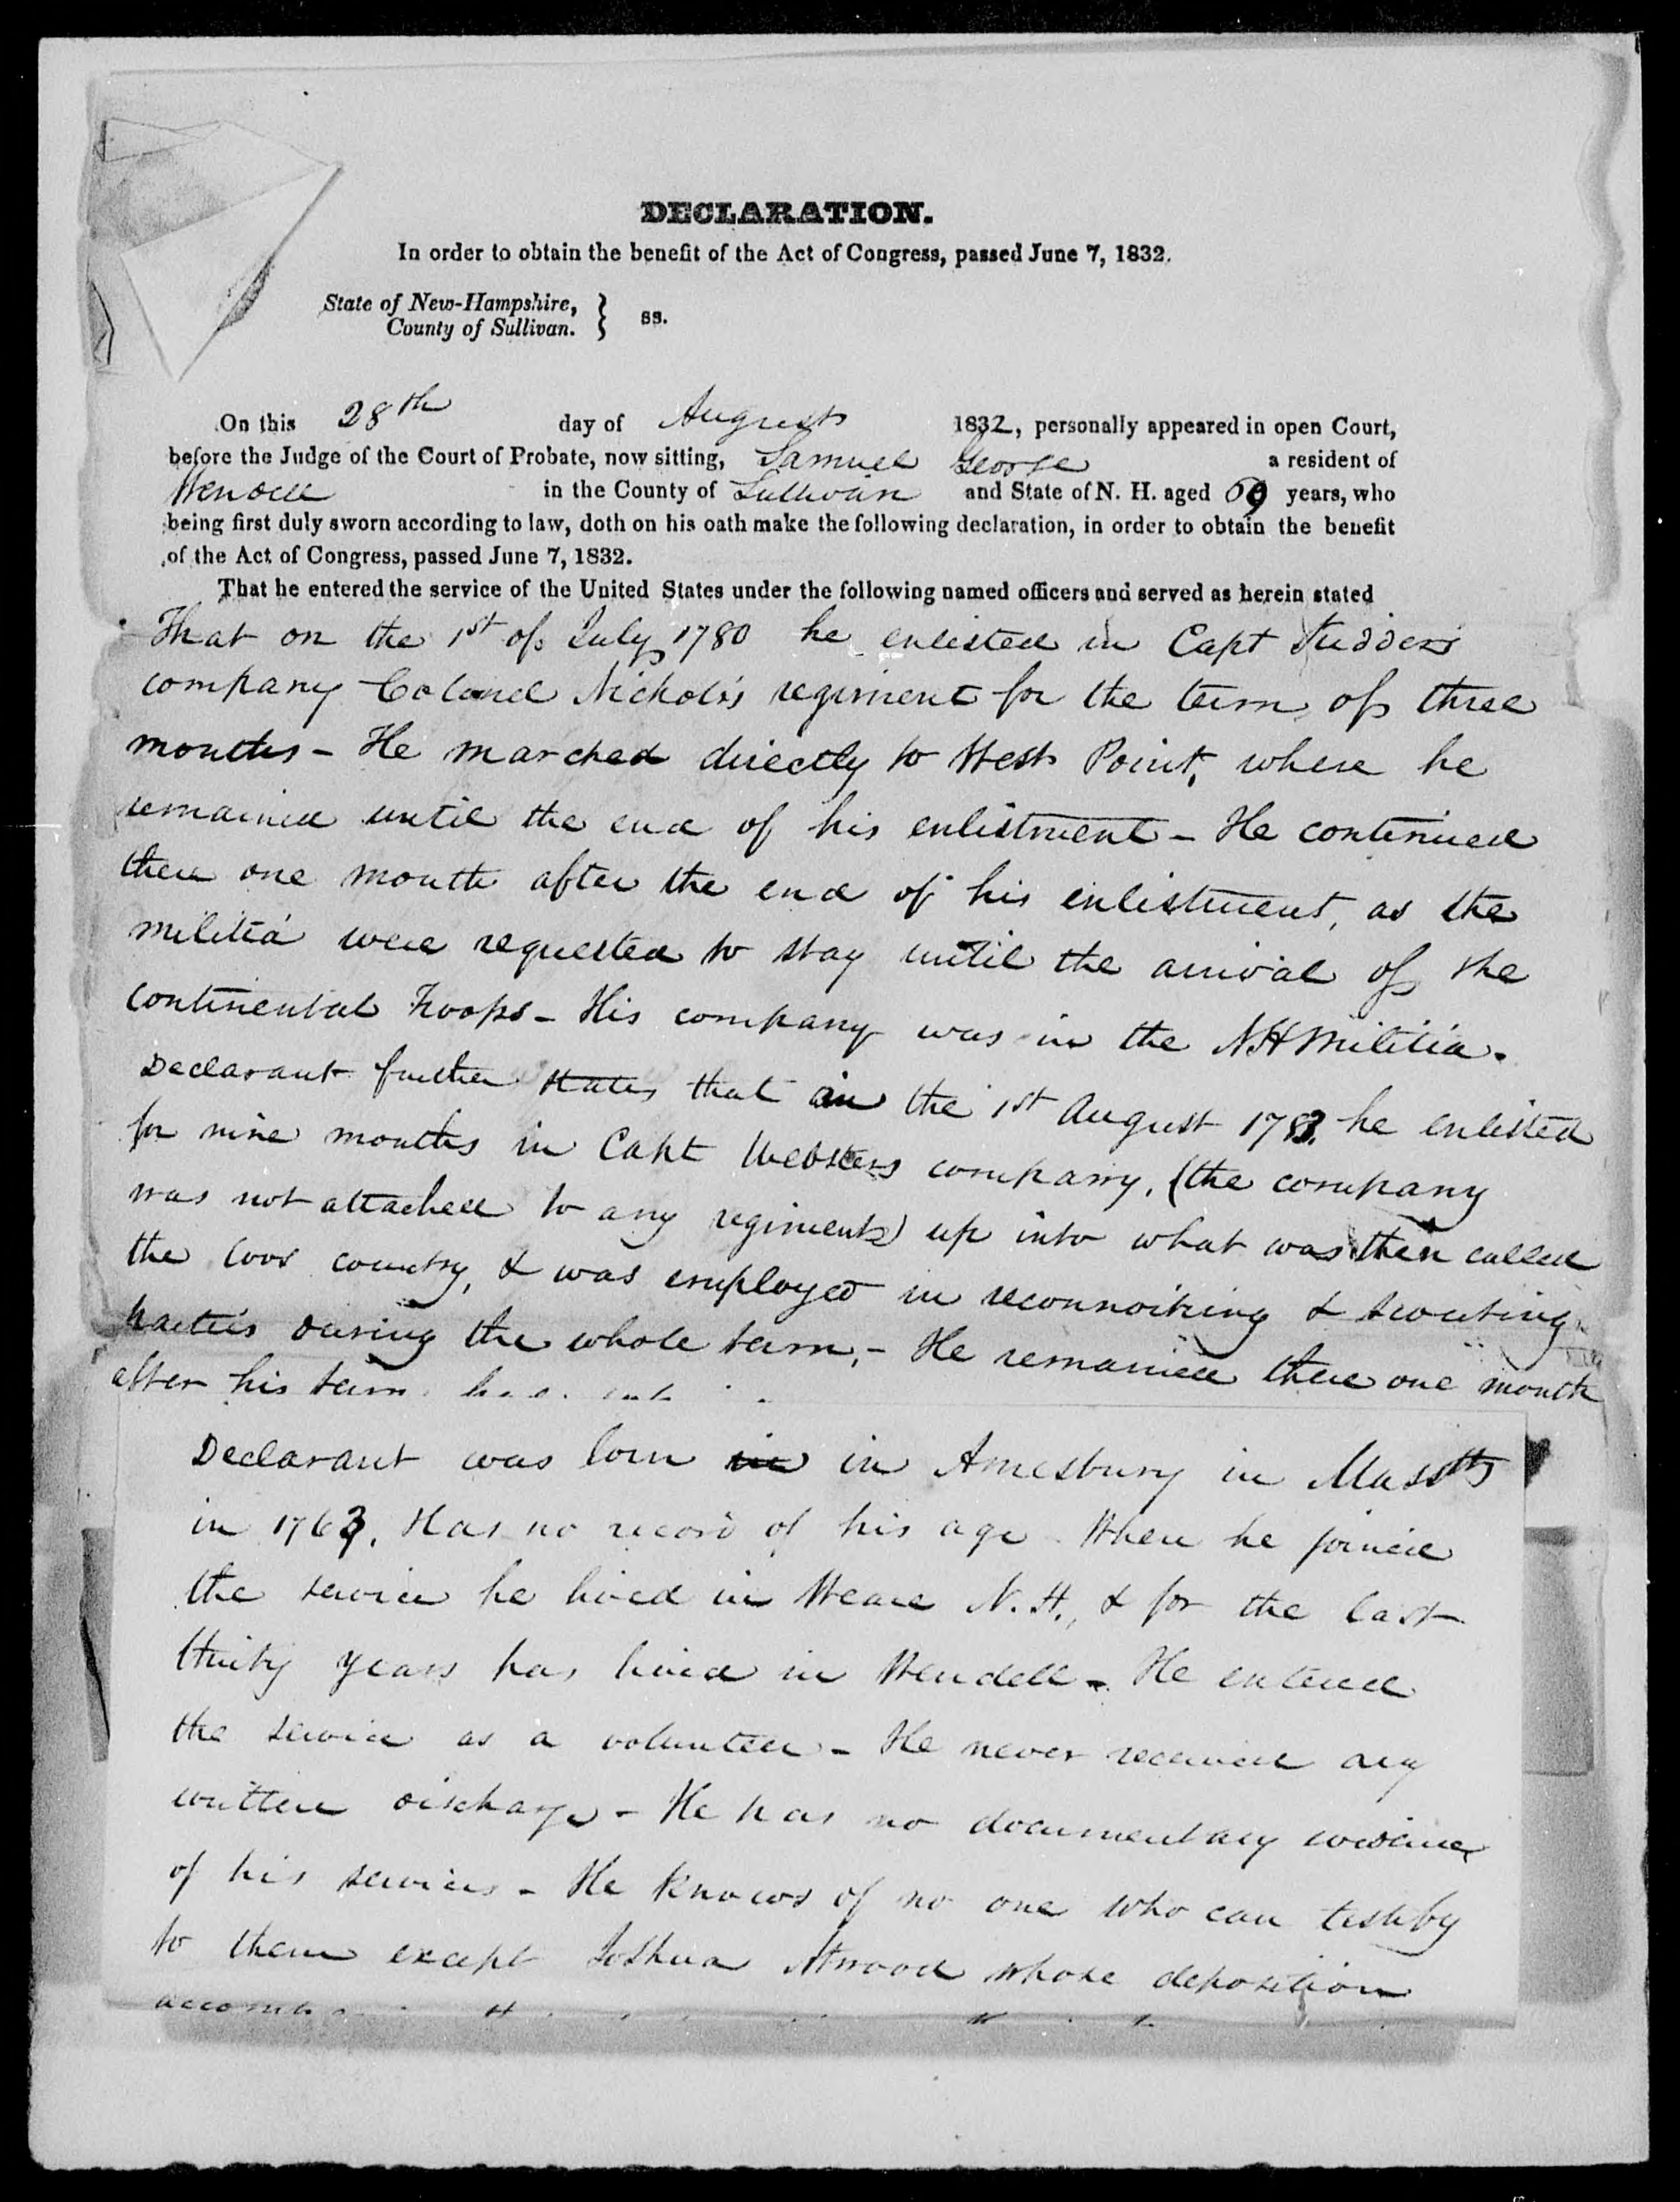DECLARATION
In order to obtain the benefit of the Act of Congress, passed June 7, 1832.

State of New-Hampshire,
County of Sullivan
ss.

On this 28th day August 1832, personally appeared in open Court, before the Judge of the Court of Probate, now sitting, Samuel George a resident of Wendell in the County of Sullivan and State of N.H. aged 69 years, who being first duly sworn according to law, doth on his oath make the following declaration, in order to obtain benefit of the Act of Congress, passed June 7, 1832.

That he entered the service of the United States under the following named officers and served as herein stated.

That on the 1st of July 1780 he enlisted in Capt Kidders' company Colonel Nichol's regiment for the term of three months. He marched directly to West Point, where he remained until the end of his enlistment. He continued there one month after the end of his enlistment, as the Militia were requested to stay until the arrival of the Continental Troops. His company was in the N.H. Militia. Declarant further states that in the 1st August 1783, he enlisted for nine months in Capt Webster's company (the company was not attached to any regiments) up into what was then called the Coos Country and was employed in reconnorking and scouting [illegible] during the whole time. He remained there one month after his [document cut off].

Declarant was born in Amesbury in Massachusetts in 1763. Has no record of his age. Where he joined the service he lived in Weare N.H. & for the last thirty years has lived in Wendell. He entered the service as a volunteer. He never received any written discharge. He has no documentary evidence of his services. He knows of no one who can testify to them except Joshua Atwood whose deposition [document cut off].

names: Joshua Atwood, Samuel George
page: 4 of 19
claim: survivor's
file: S. 15140, Samuel George, N.H.